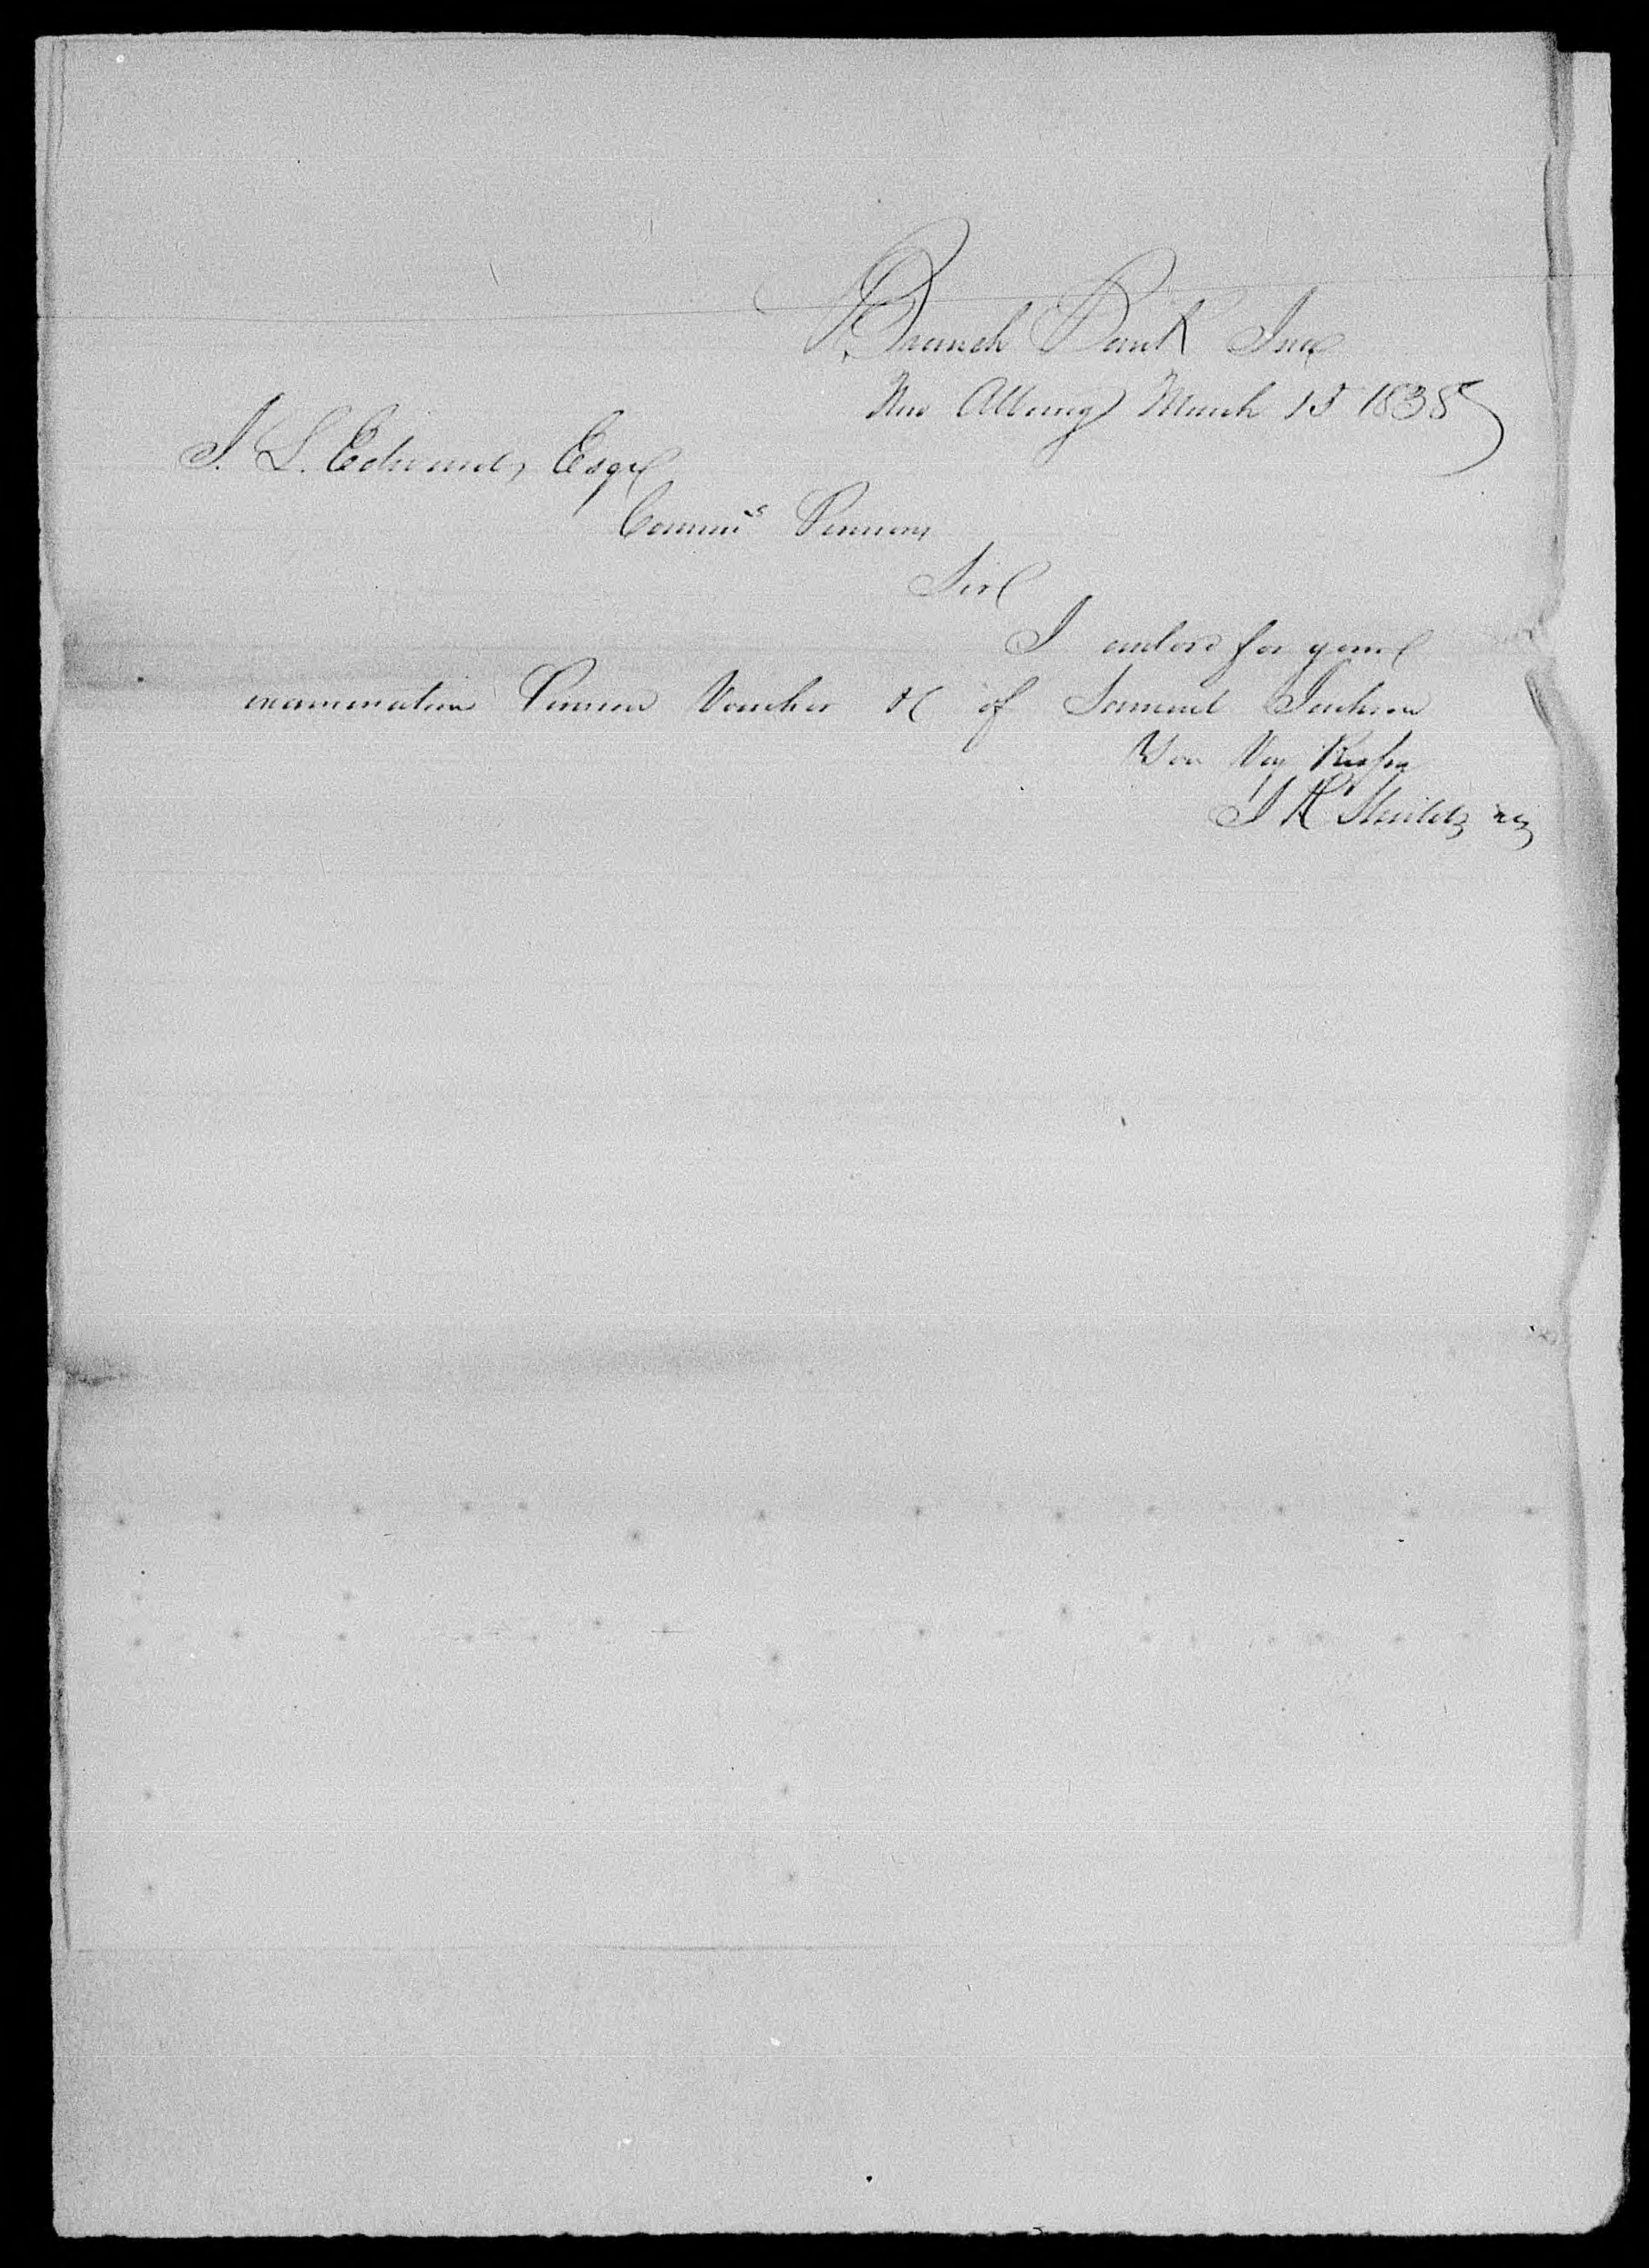Branch Bank Ind
New Albany March 15 1838

J. L. Edwards Esqr
Comm Pensions
Sir
I enclosed for your
examination Pension Voucher [illegible] of Samuel Jackson
Your Very [Illegible]
J R Shields Esq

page: 42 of 56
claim: rejected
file: R 5529, for Samuel Jackson, Virginia